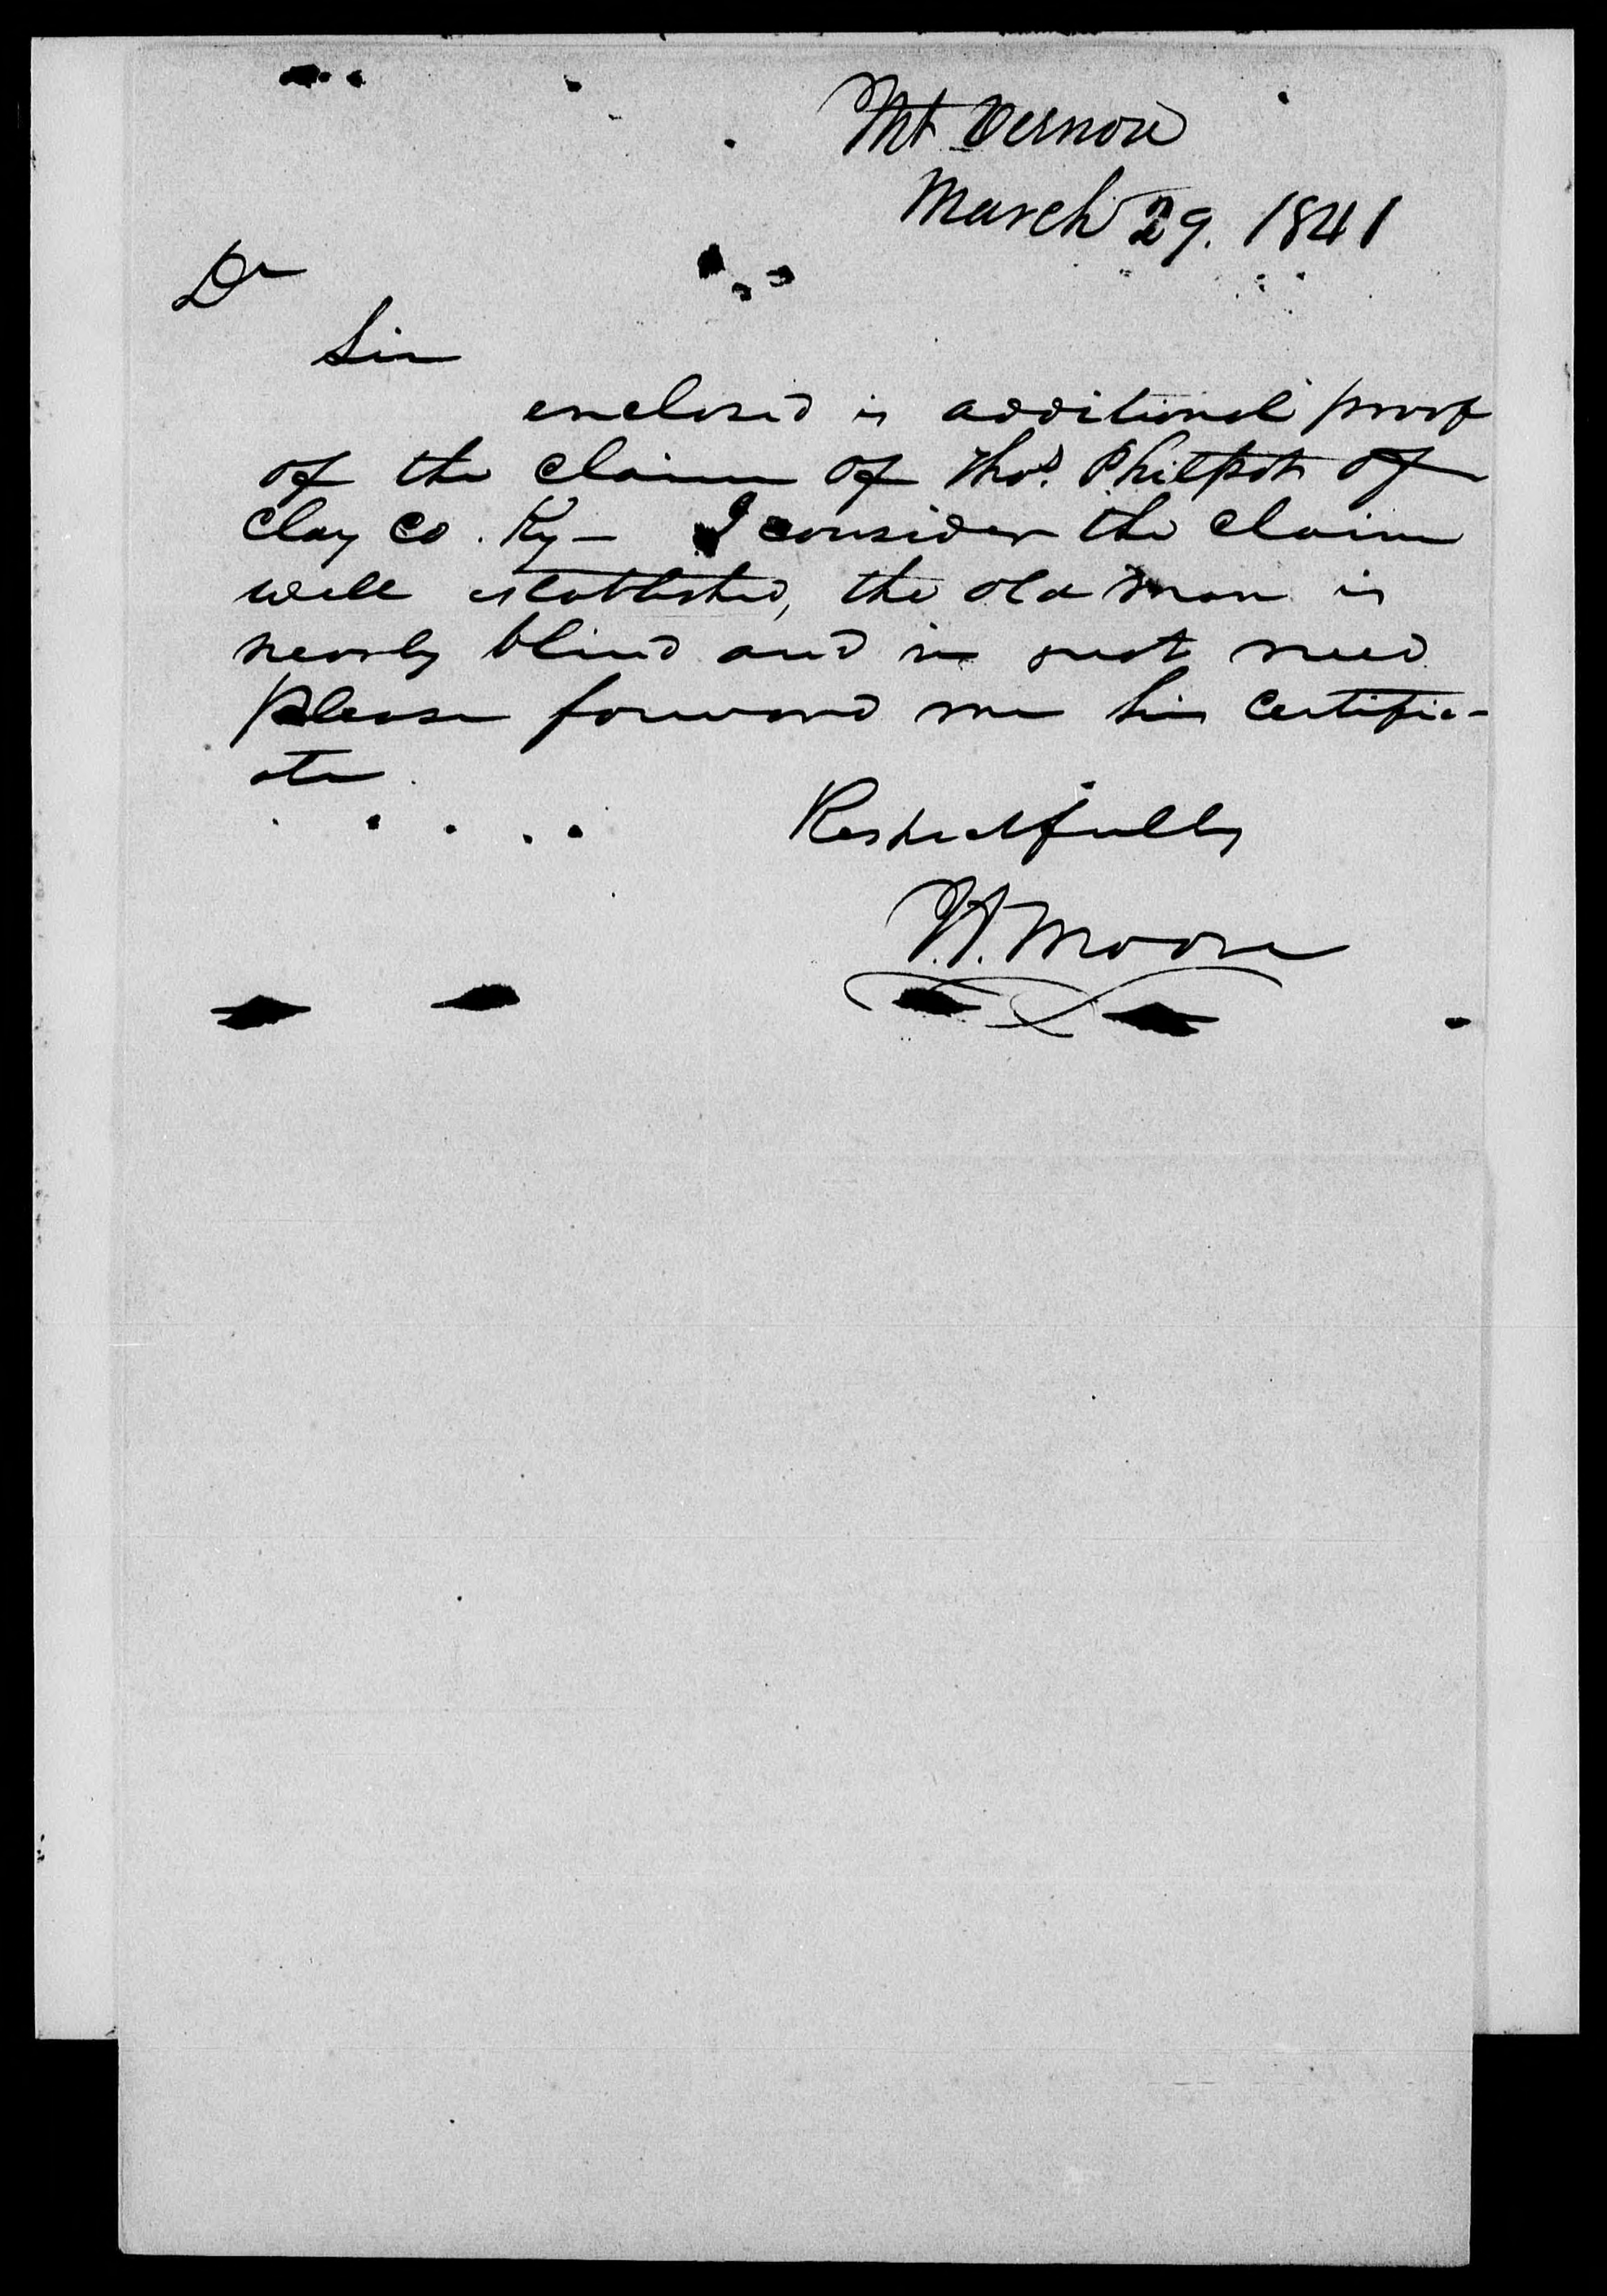Mt Vernon
March 29, 1841
Dr Sir enclosed is additional proof
of the claim of Thos Philpot of
Clay Co Ky
I consider the claim
well established, the old man
nearly blind and in just need.
please forward me his Certificate
Respectfully
JA. Moore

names: Thos Philpot; J A Moore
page: 37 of 43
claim: rejected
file: R. 8217, for Thomas Philpot, South Carolina